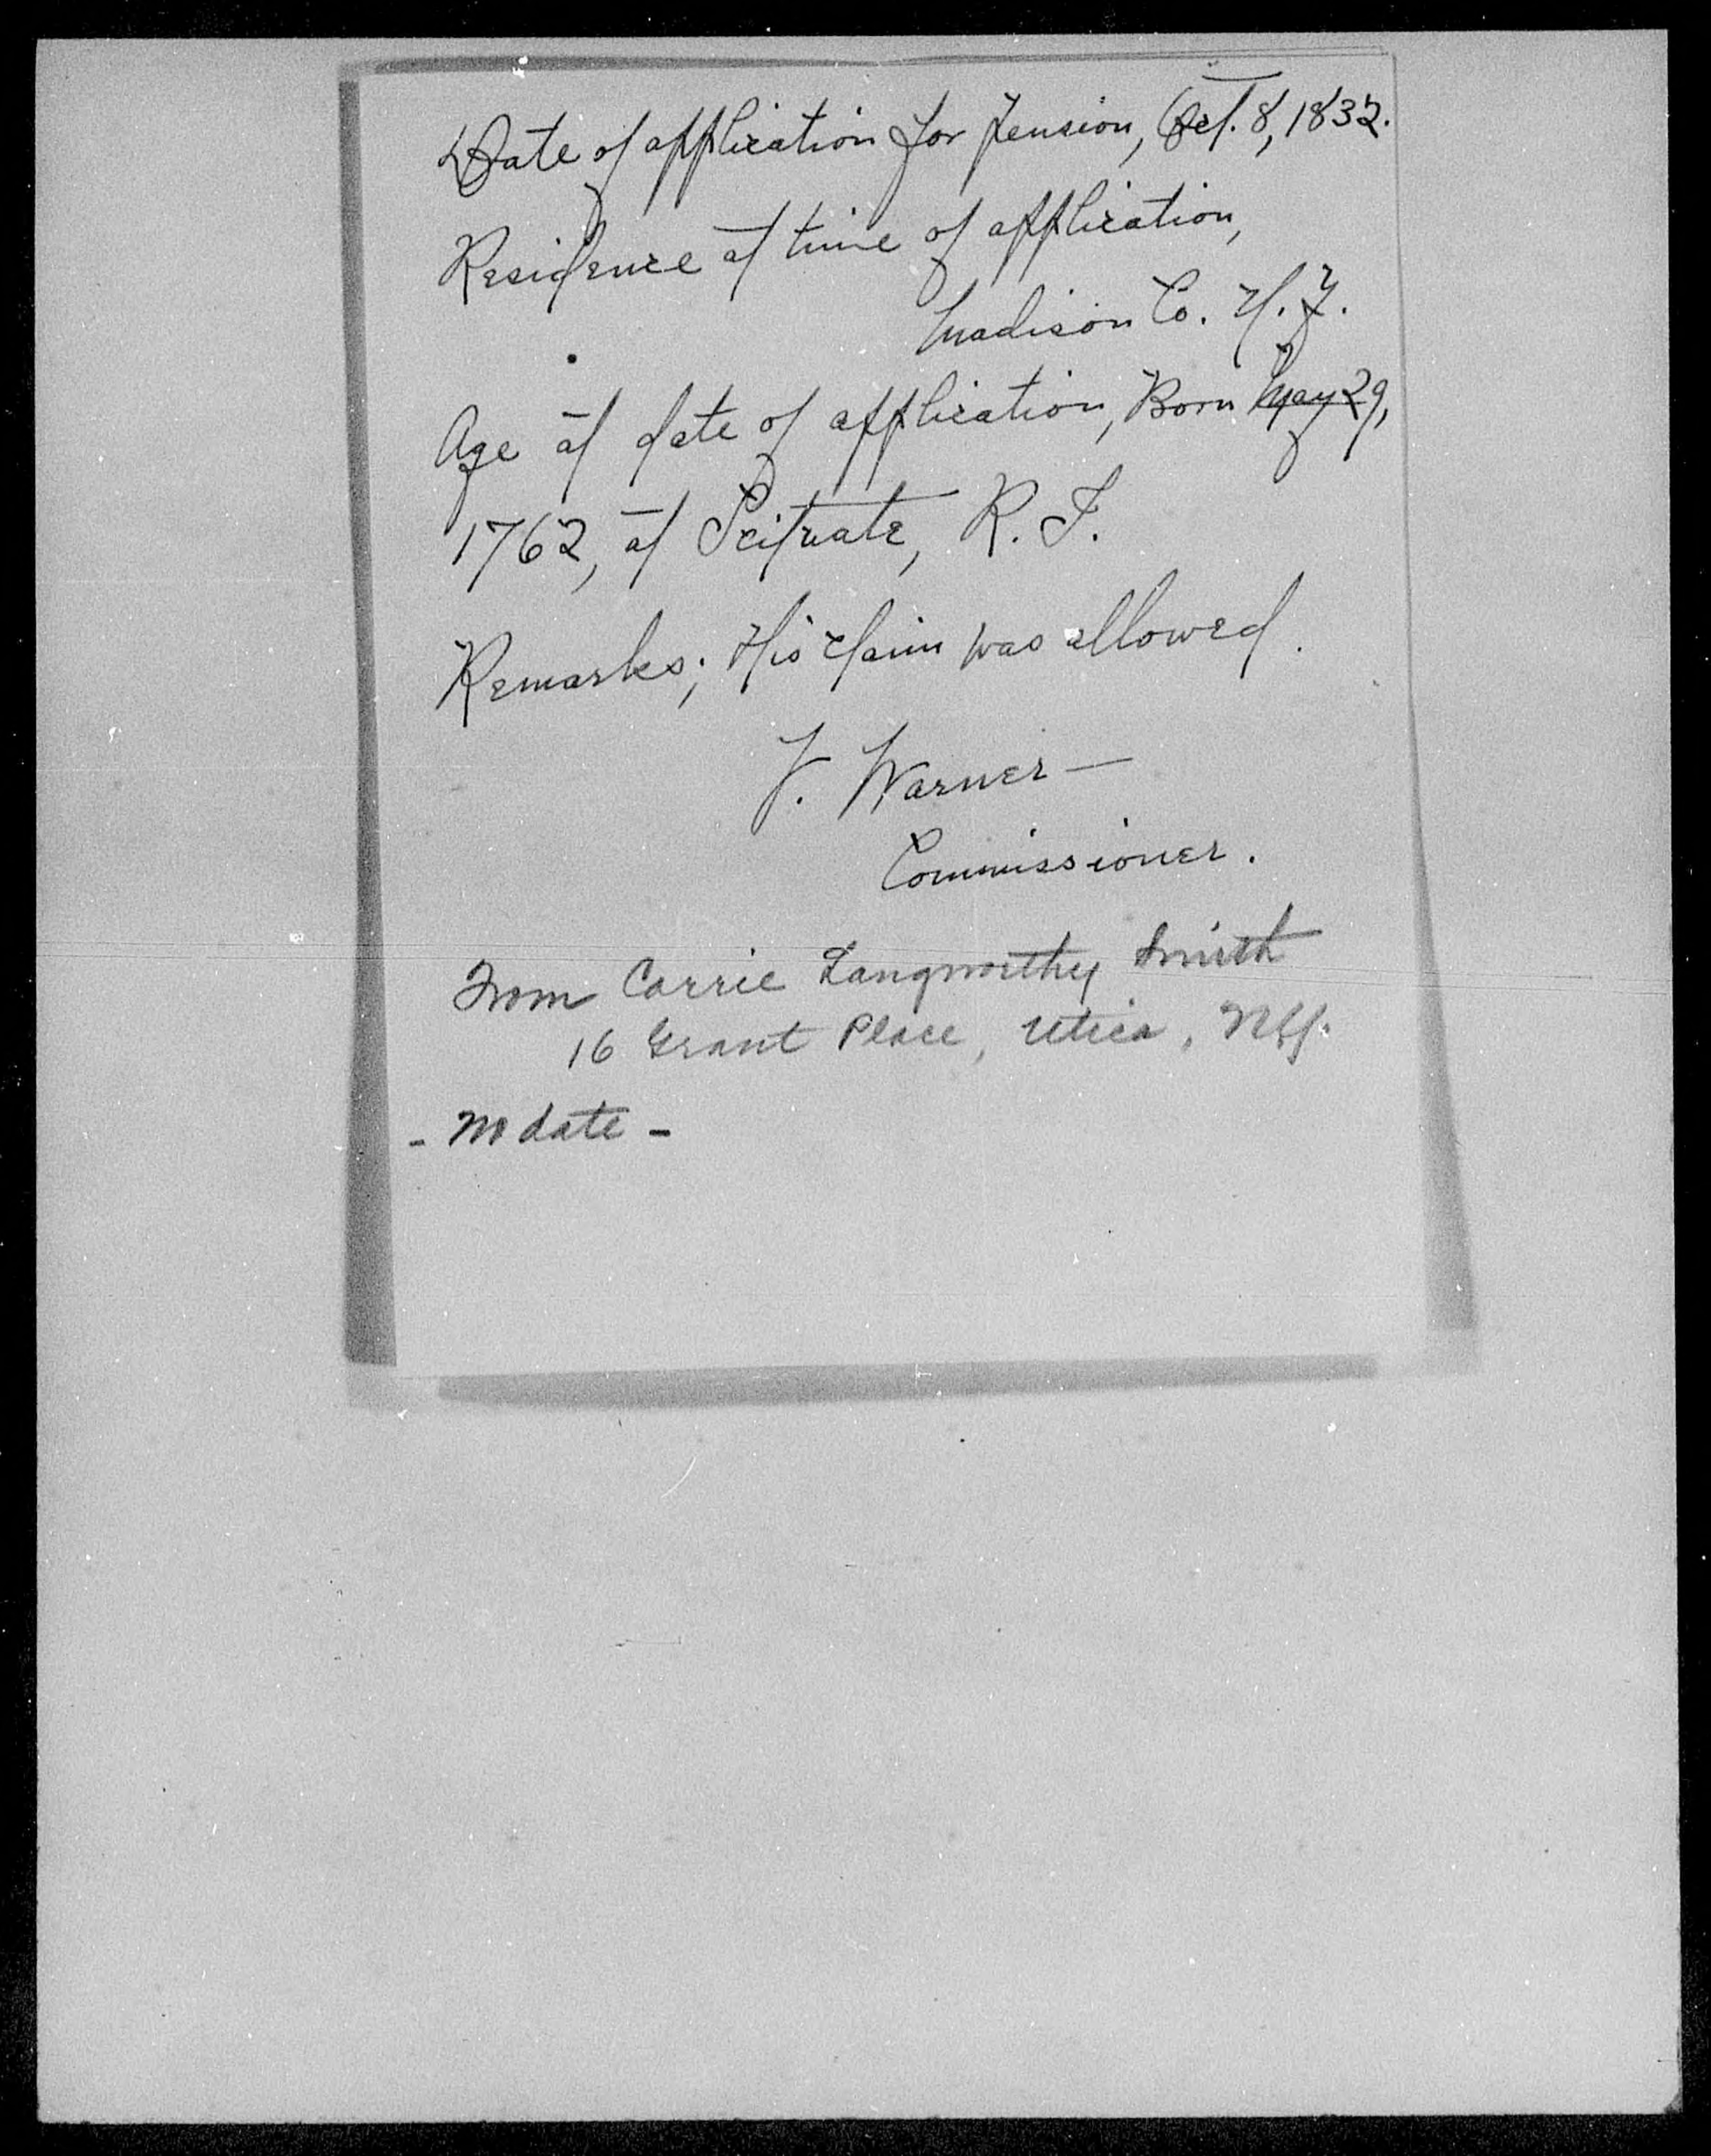Date of application for pension, Oct. 8, 1832.
Residence at time of application,
Madison Co., N.Y.

Age at date of application, Born May 29, 1762, at Scituate, R.I.

Remarks; his claim was allowed \.
J. Warner - Commissioner

From Carrie Langworthy Smith
16 Grant Place, Utica, N.Y.
- M date -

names: Carrie Langworthy Smith, J Warner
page: 38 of 61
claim: survivor's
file: S. 22798, Paul Griffiths, R.I.